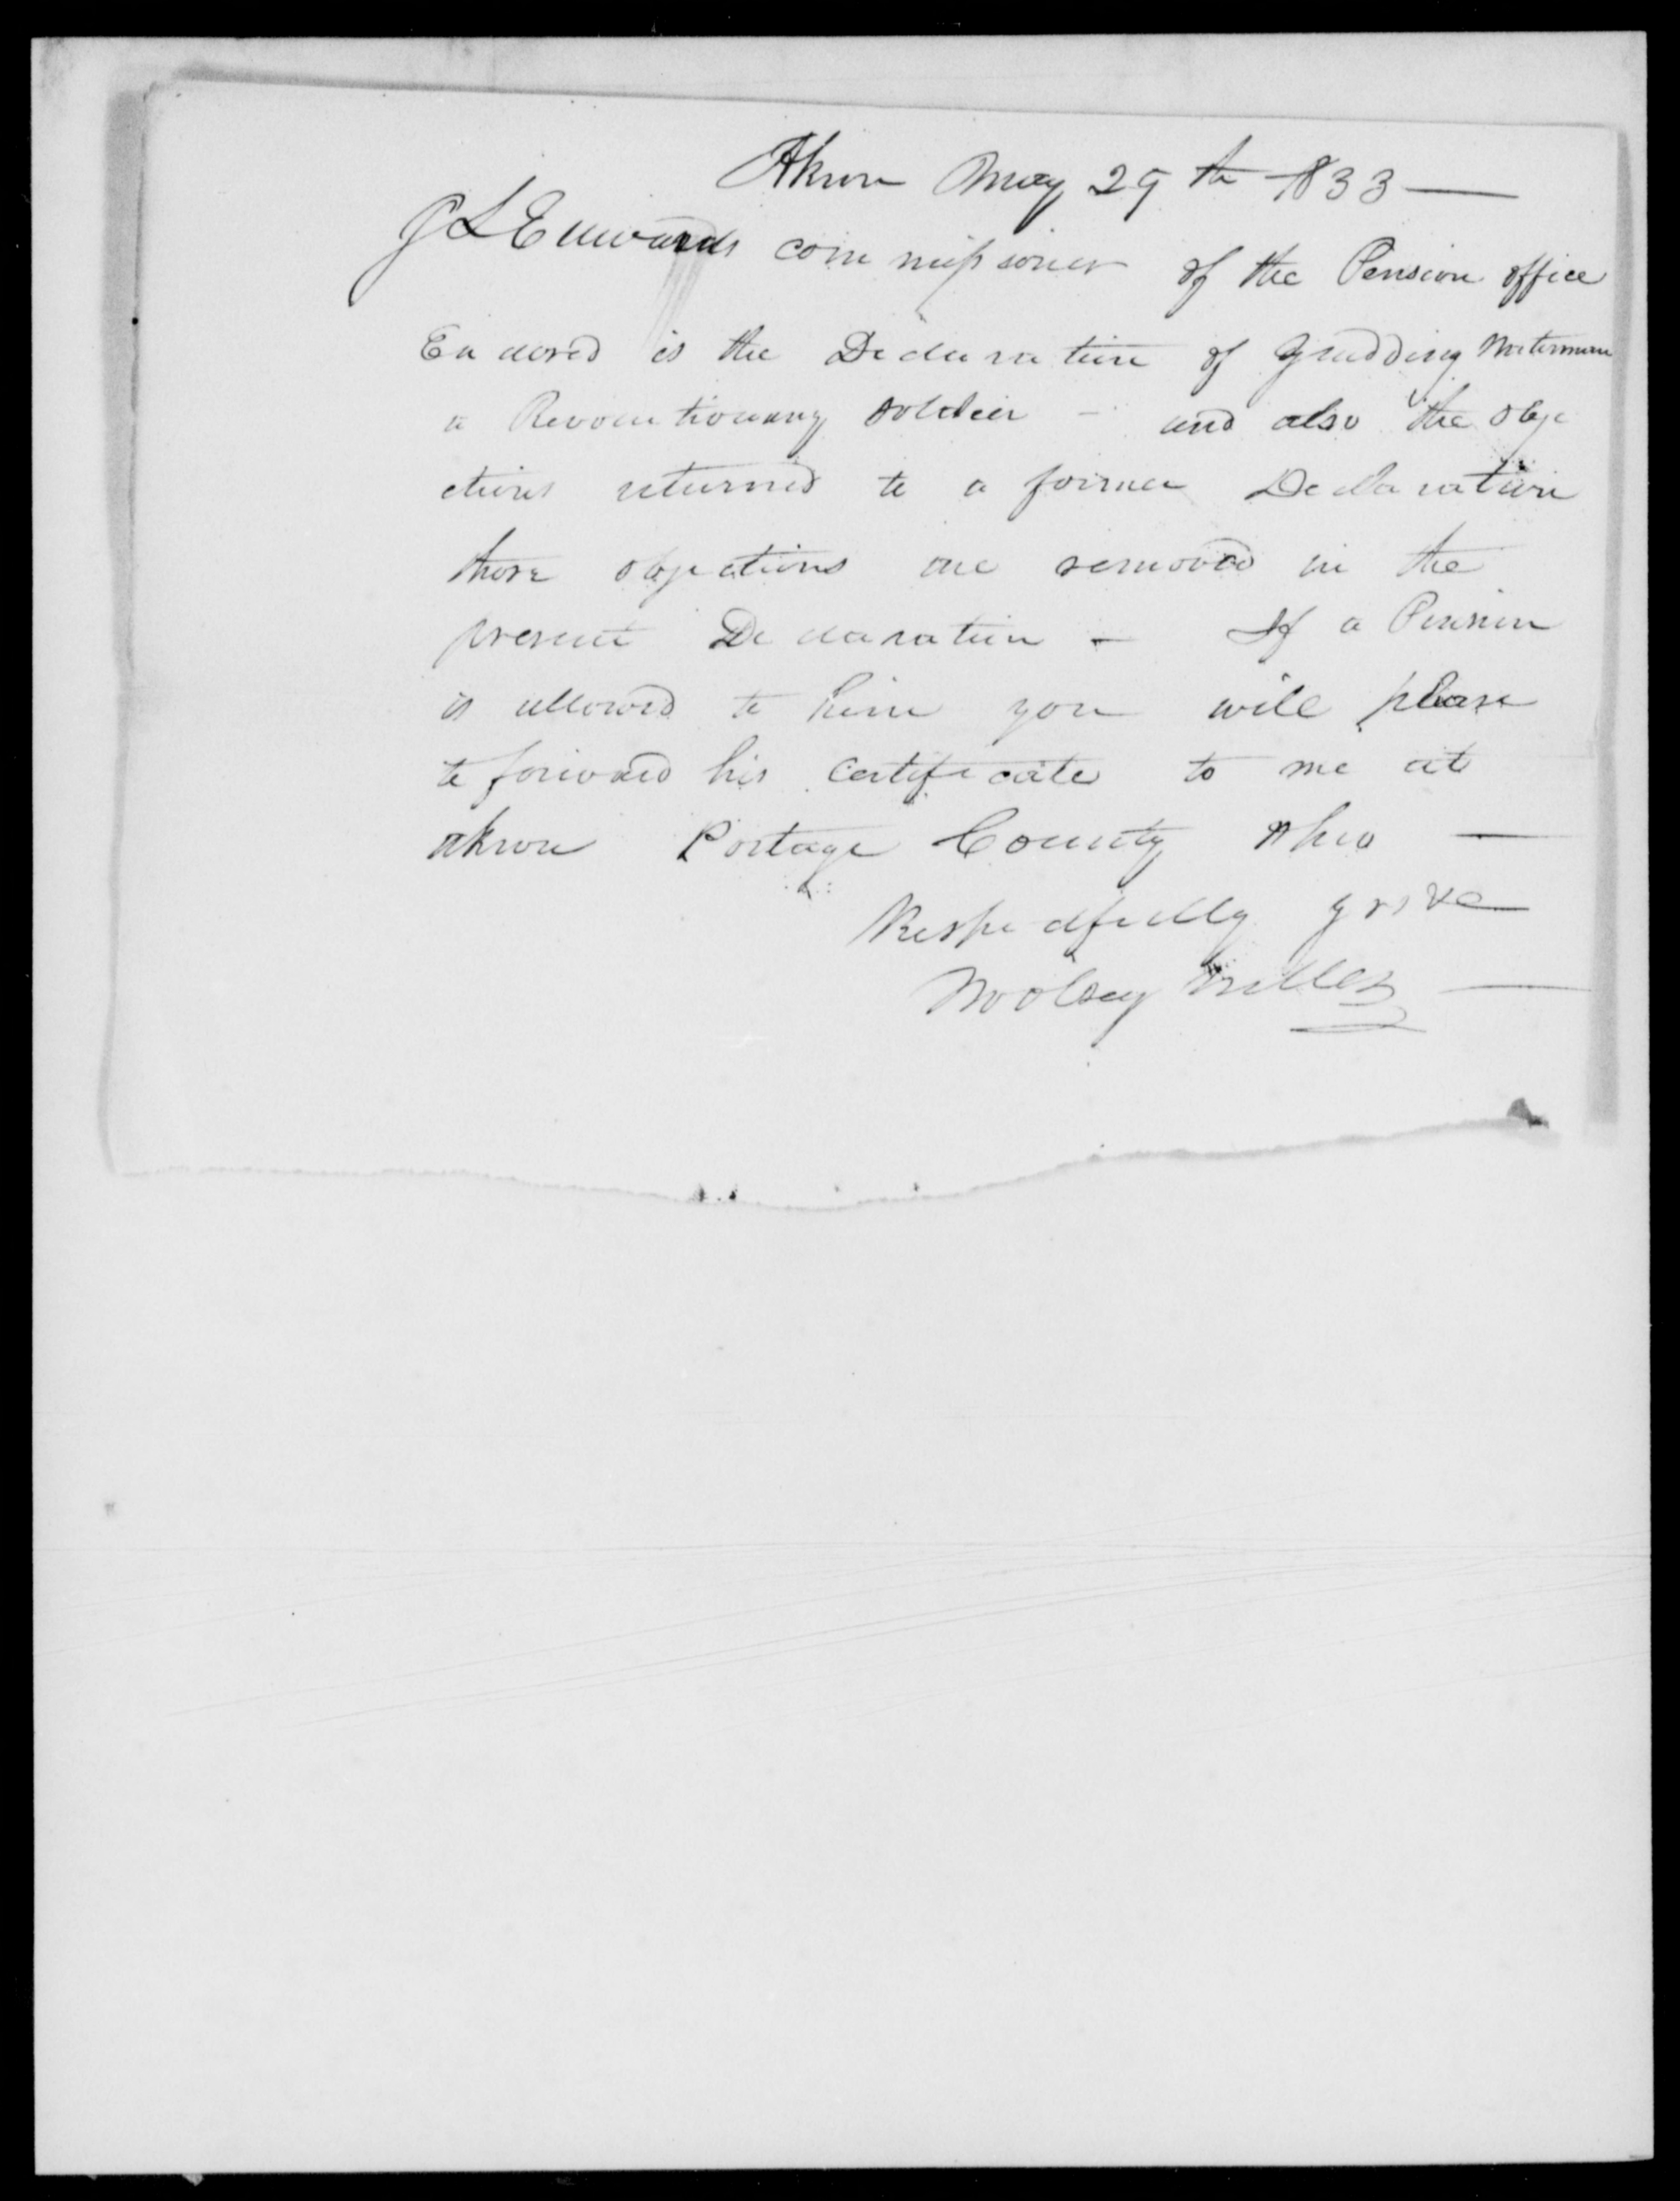Akron   May 29th 1833

J S Edwards commissioner of the Pension Office
 
Enclosed is the Declaration of Gladding Waterman a Revolutionary Soldier and also the objections returned to a former Declaration. These objections are removed in the present Declaration.  If a Pension is allowed to him, you will please to forward his certificate to me at Akron, Portage County, Ohio.

Respectfully yours,
Woolsey Milles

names: Gladding Waterman, Woolsey Welles, J L Edwards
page: 39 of 50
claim: widow's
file: W. 15814, Glading Waterman, Conn. Conn. Sea Service Continental